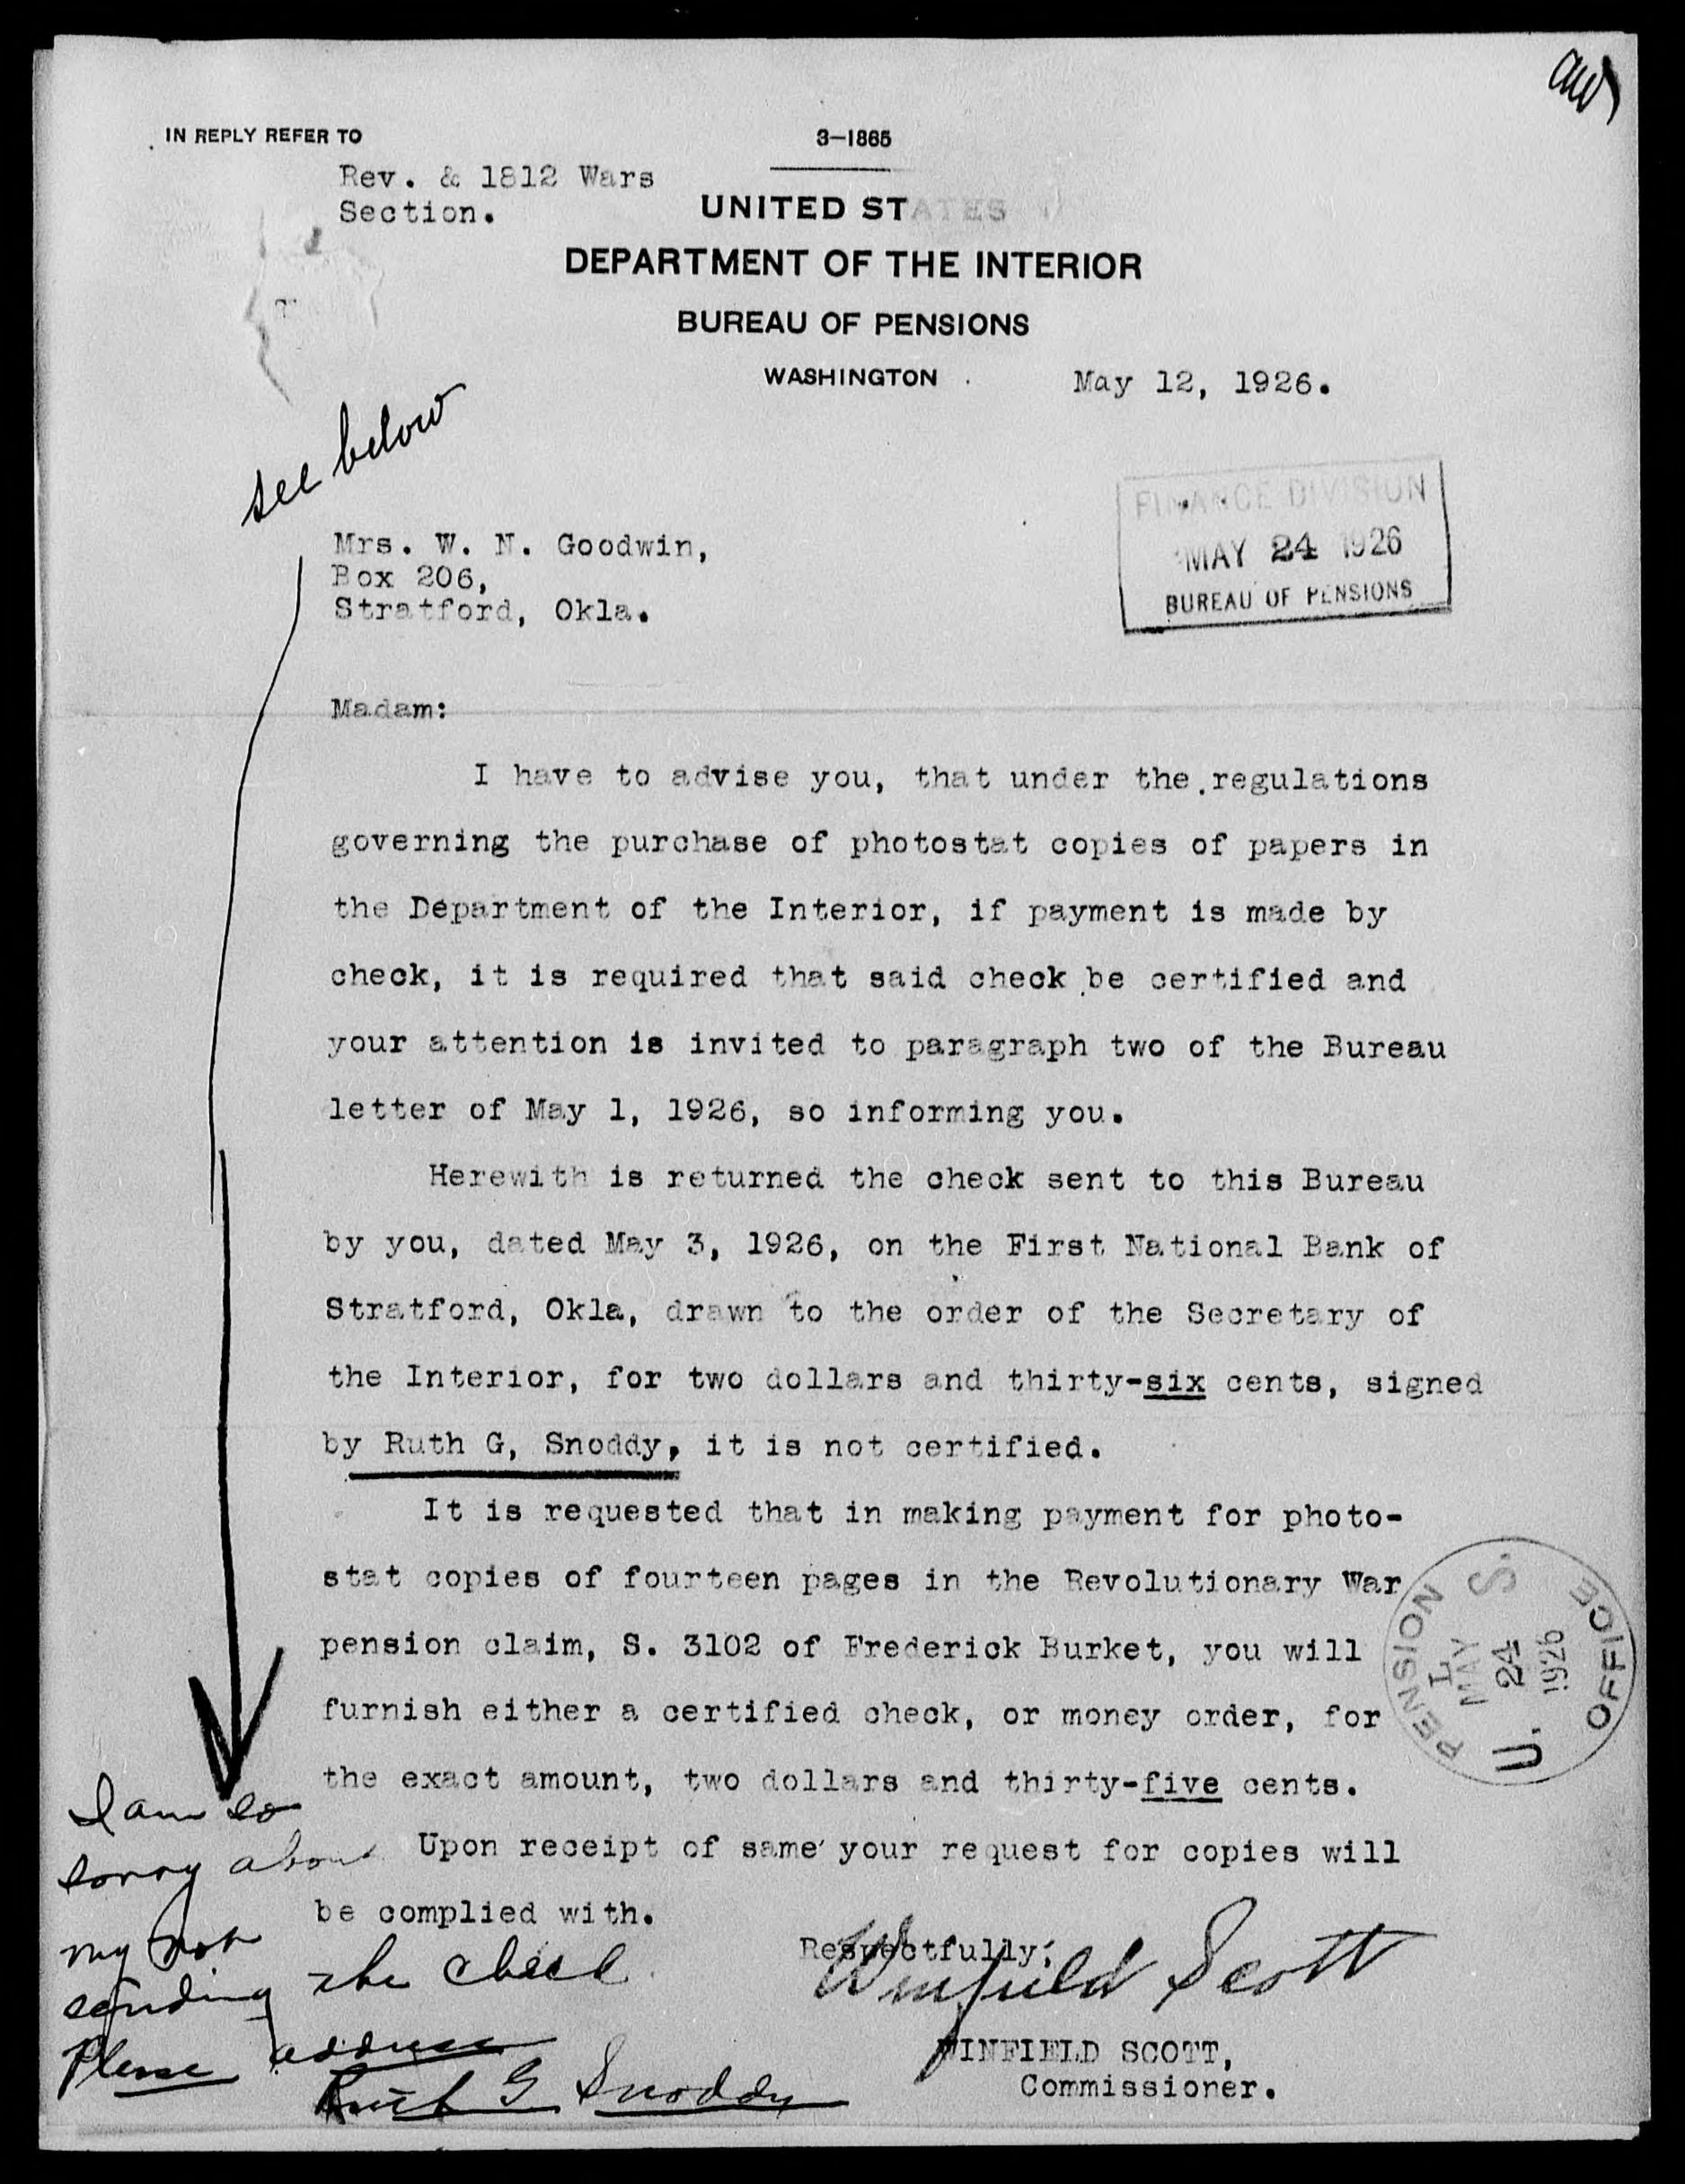IN REPLY TO			AW

3-1865
Rev. & 1812 Wars
Section.

UNITED STATES
DEPARTMENT OF THE INTERIOR
BUREAU OF PENSIONS
WASHINGTON
May 12, 1926

See below (arrow to bottom of page)
(STAMP): FINANCE DIVISION
MAY 24 1926
Bureau of Pensions

Mrs. W. N. Goodwin,
Box 206,
Stratford, Okla.

Madam: 

I have to advise you, that under the regulations governing the purchase of photostat copies of papers in the Department of the Interior, if payment is made by check, it is required that said check be certified and your attention is invited to paragraph two of the of the Bureau letter of May 1, 1926, so informing you.

Herewith is returned the check sent to this Bureau by you, dated May 3, 1926, on the First National Bank of Stratford, Okla, drawn to the order of the Secretary of the Interior, for two dollars and thirty-six cents, signed by Ruth G, Snoddy, it is not certified.
It is requested that in making payment for photostat copies of fourteen pages in the Revolutionary War pension claim, S. 3102 of Frederick Burket, you will furnish either a certified check, or money order, for the exact amount, two dollars and thirty-five cents.
Upon receipt of same your request for copies will be complied with.

Respectfully:
Winfield Scott
WINFIELD SCOTT
Commissioner.

(Cancelled postage stamp)
U.S. Pension Office
May 24 1926

(arrow pointing to this):
I am so sorry about my not sending the check. Please address
Ruth G Snoddy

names: Ruth G Snoddy, W N Goodwin, Ruth G Snoddy, Winfield Scott, Winfield Scott, Frederick Burket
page: 47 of 47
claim: survivor's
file: S. 3102, Frederick Burket, Va.